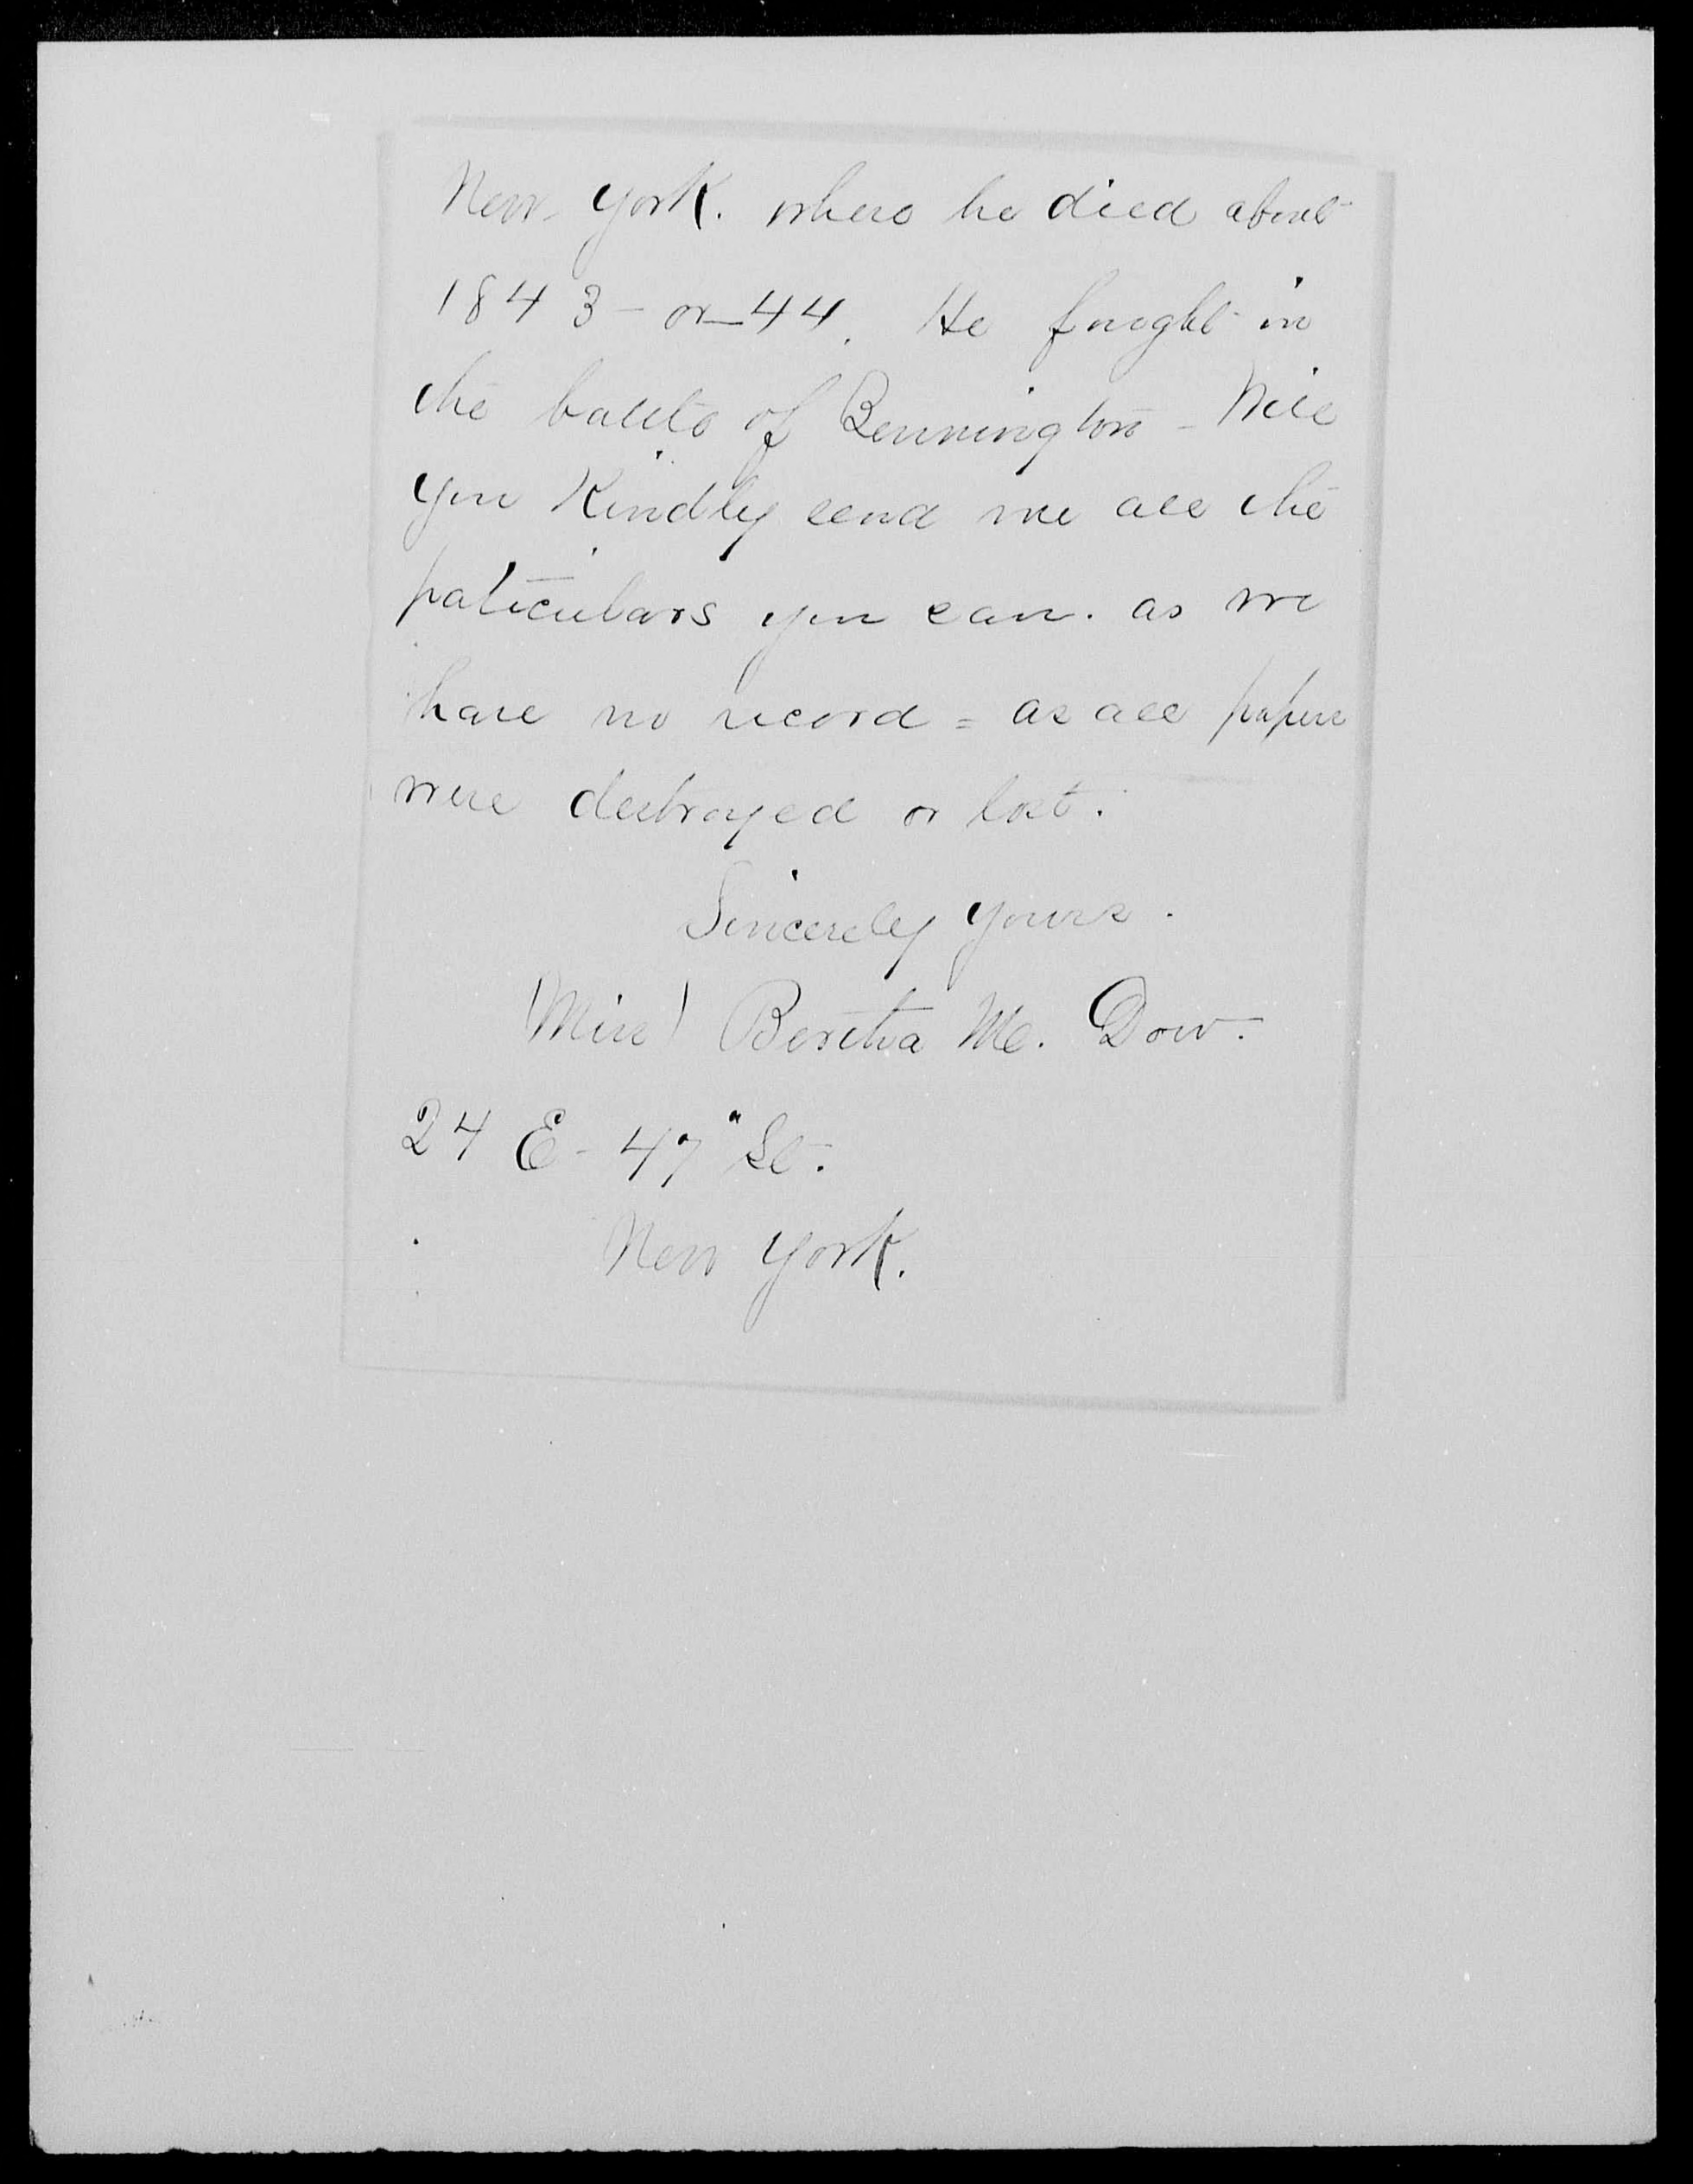New York where he died about 1843 or 44. He fought in the battle of Bennington. Will you kindly send me all the [particulars] you can as we have no record - as all papers were destroyed or lost.
Sincerely yours,
(Miss) Bertha M. Dow.
24 E. 47th St.
New York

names: Bertha M Dow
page: 14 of 14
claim: survivor's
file: S. 10389, Samuel Blanden, Conn. Mass